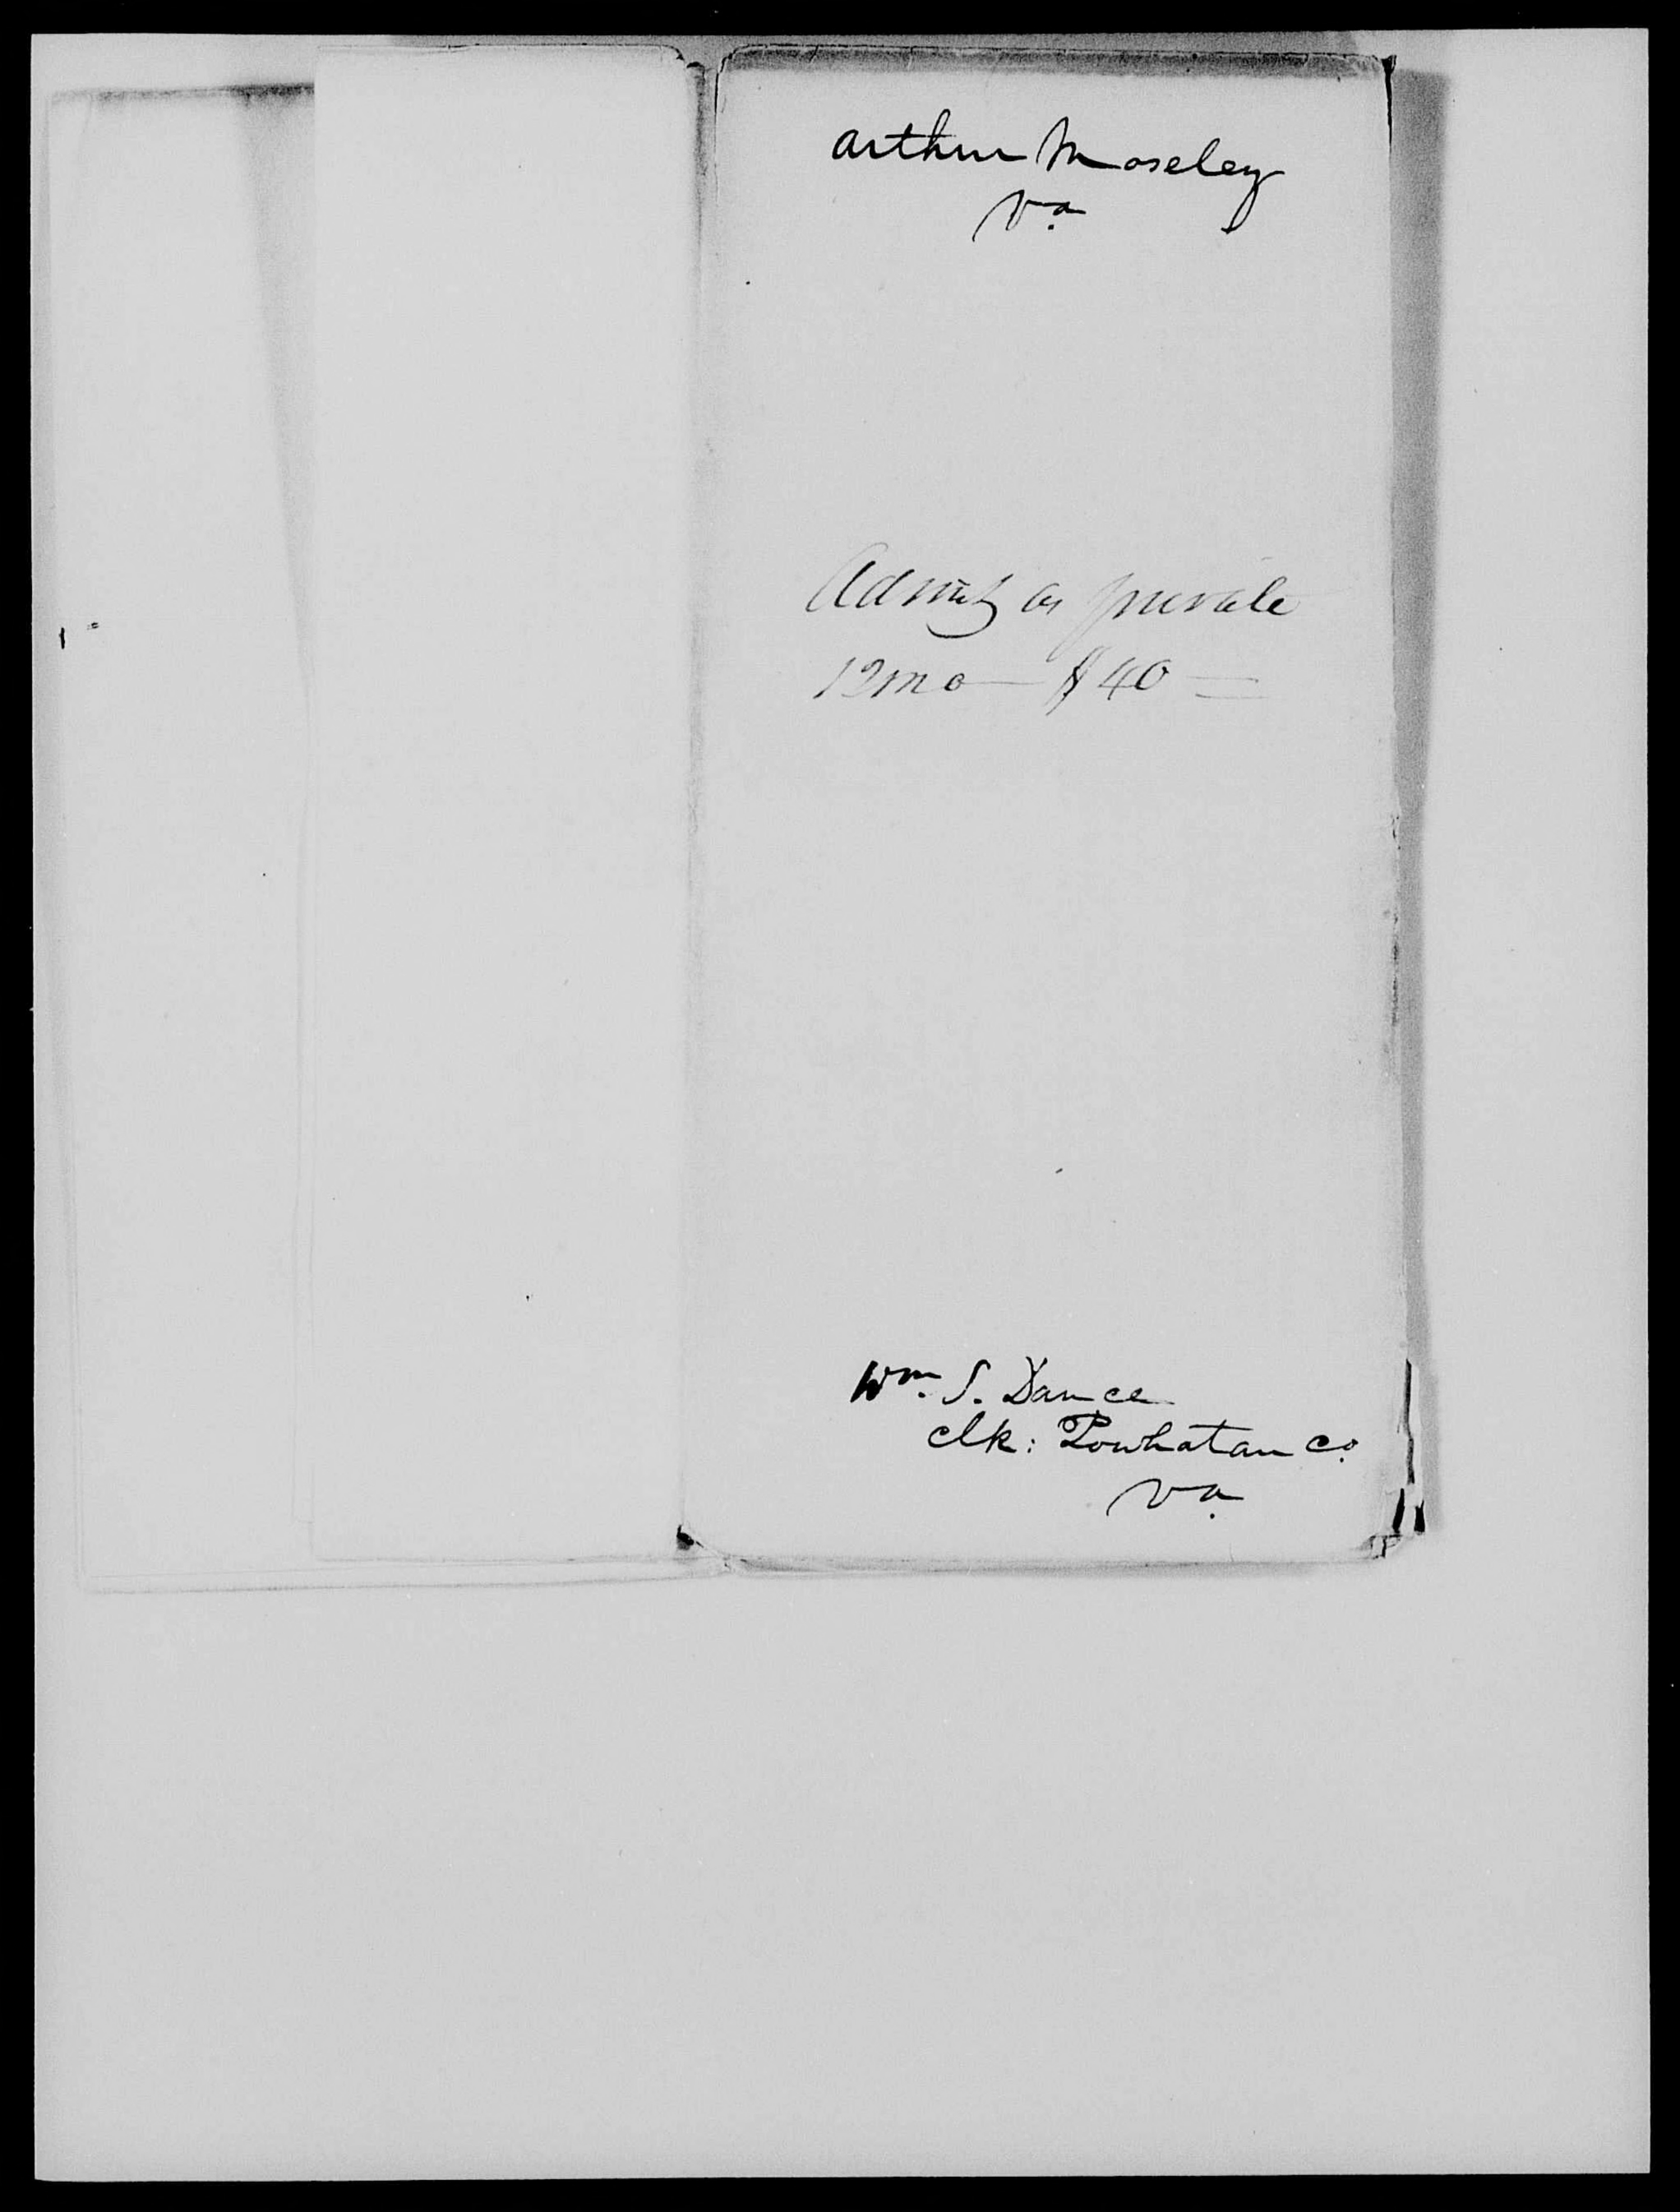Arthur Moseley
Va.
[illegible] as private
12 mo  $ 40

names: Arthur Moseley; Wm S Dance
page: 8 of 21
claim: survivor's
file: S. 7240, for Arthur Moseley, Virginia